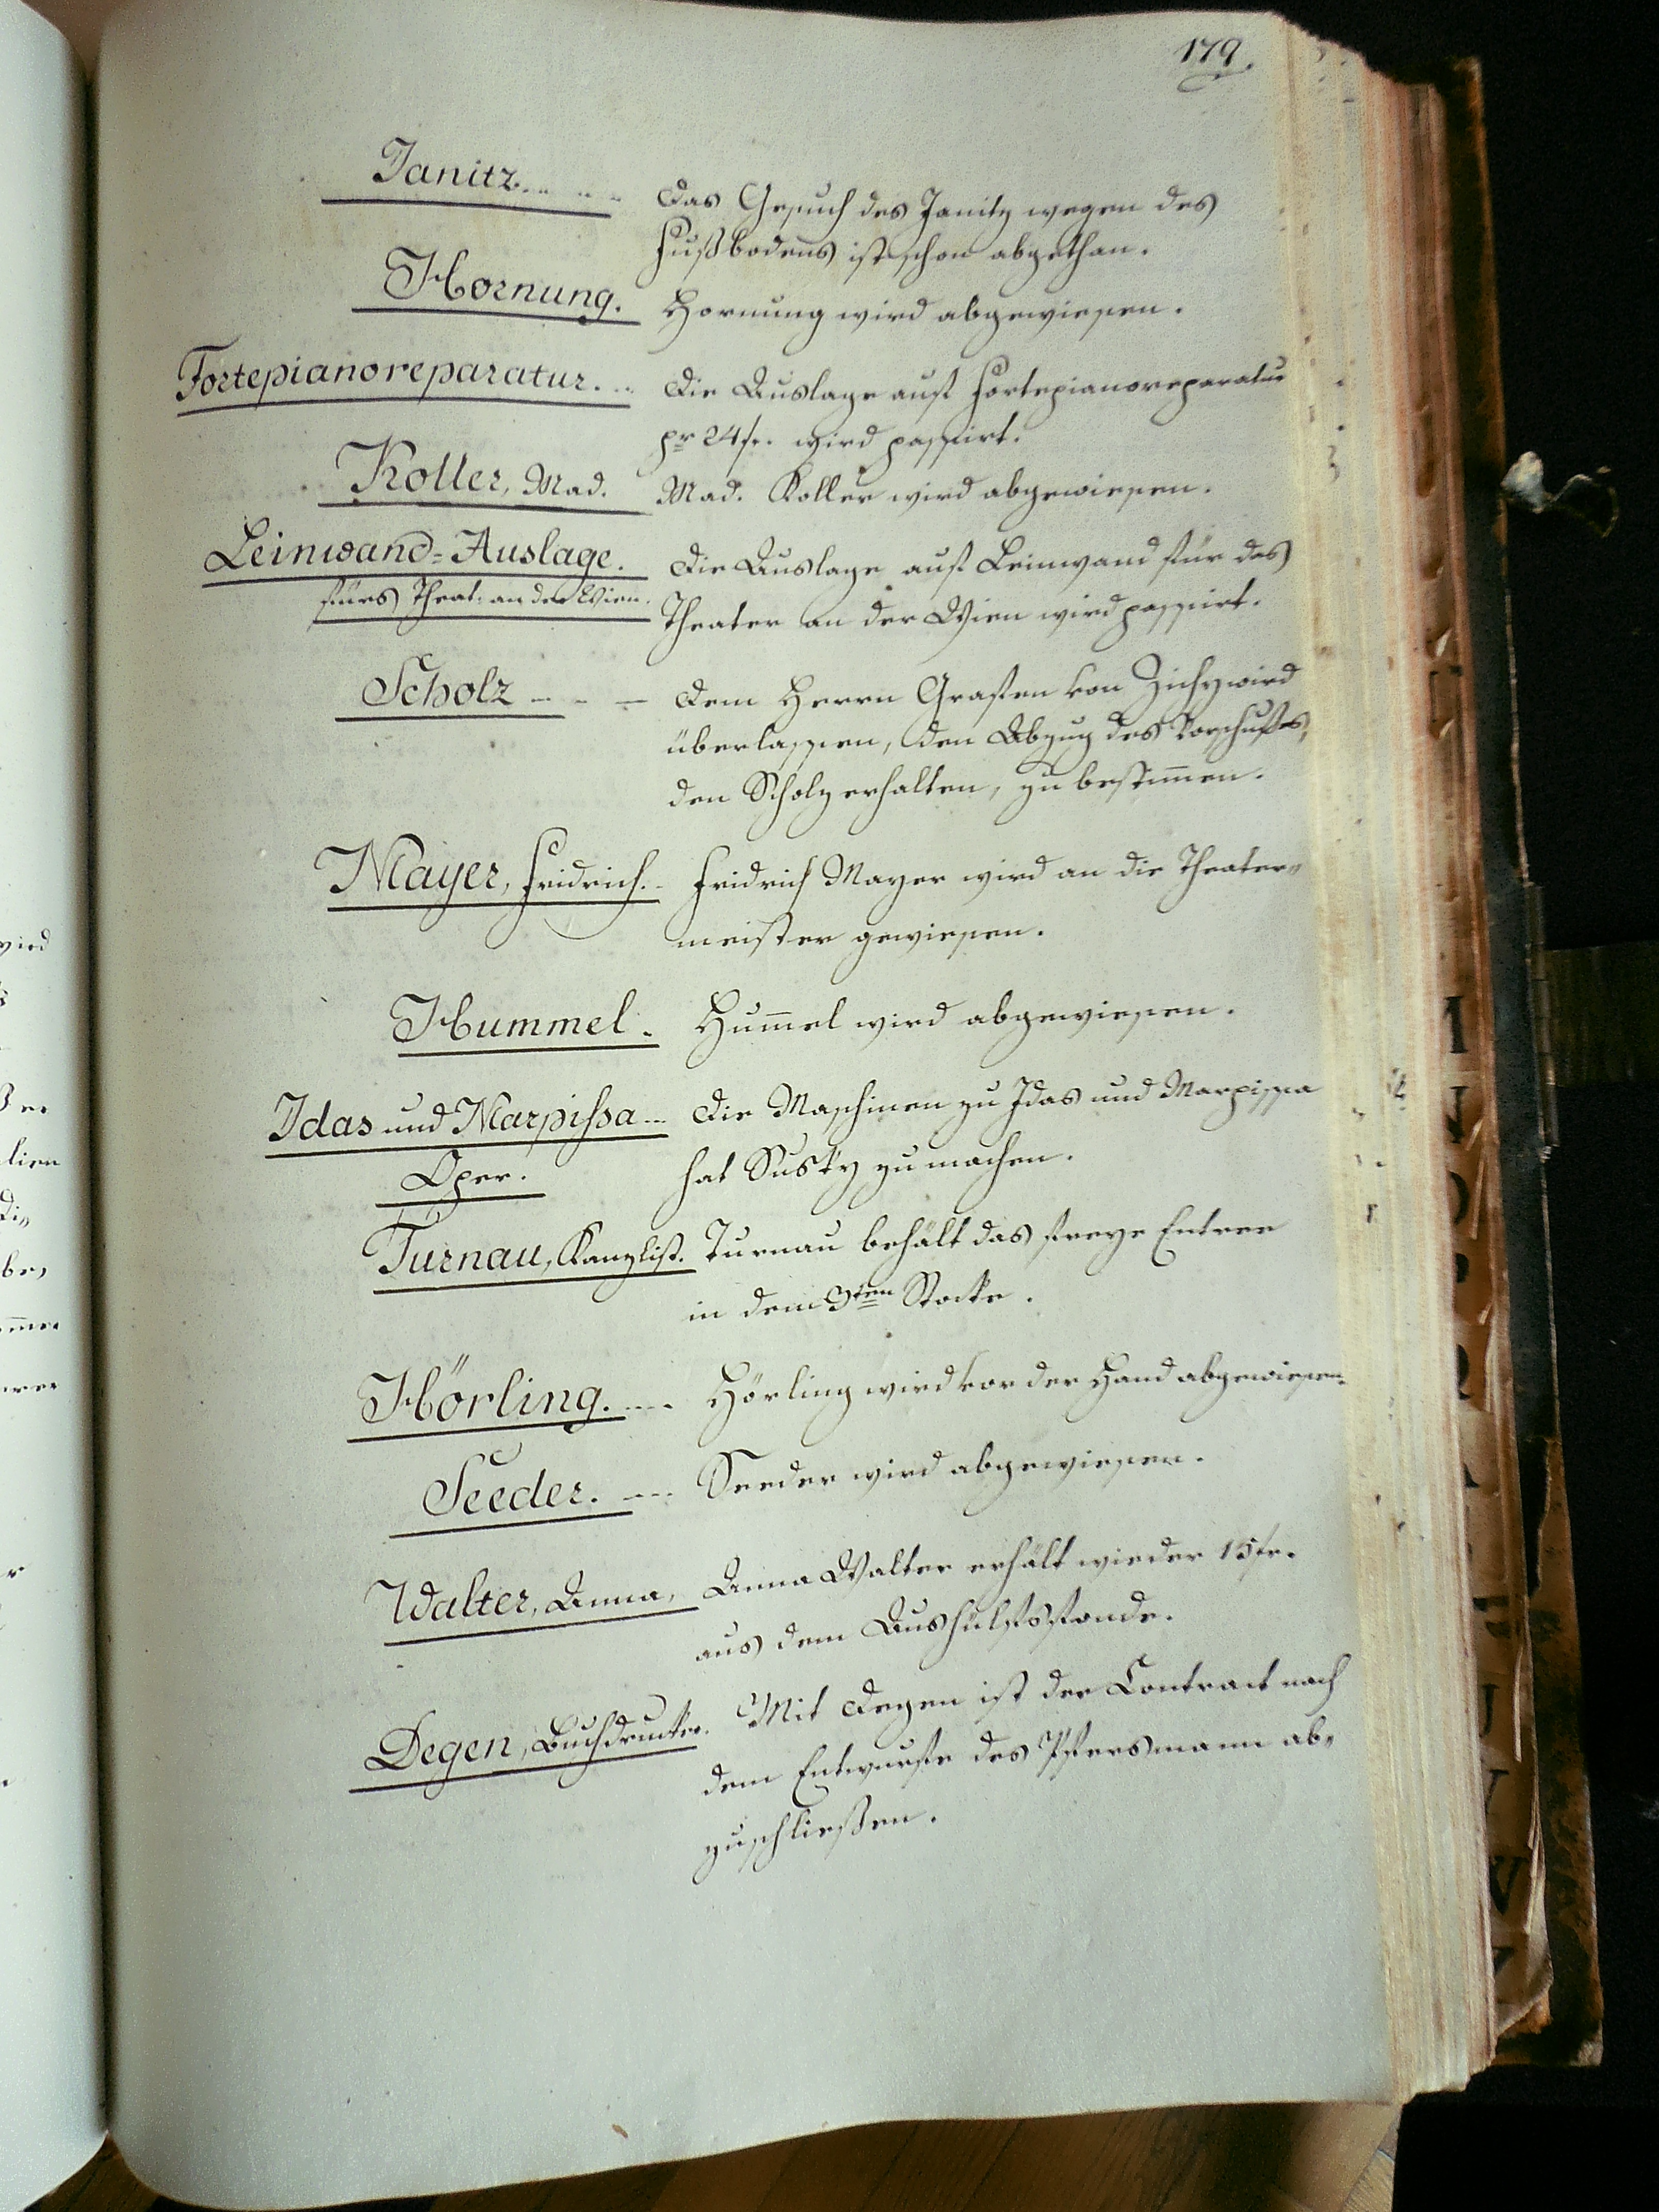179.
Janitz. .. .. .. Das Gesuch des Janitz wegen des
Fußbodens ist schon abgethan.
Hornung. Hornung wird abgewiesen.
Fortepianoreparatur. . . Die Auslage auf Fortepianoreparatur
pr͇ 24fr. wird passirt.
Koller, Mad. Mad. Koller wird abgewiesen.
Leinwand=Auslage.
fürs Teather an der Wien.
Die Auslage auf Leinwand für das
Theater an der Wien wird passirt.
Scholz _ _ _ Dem Herrn Grafen von Zichy wird
überlassen, den Abzug des Vorschußes
den Scholz erhalten, zu bestim̅en.
Mayer, Fridrich. . Fridrich Mayer wird an die Theater¬
meister gewiesen.
Hummel. Hum̅el wird abgewiesen.
Idas und Marpissa ...
Oper.
Die Maschinen zu Idas und Marpissa
hat Susky zu machen.
Turnau, Kanzlist. Turnau behält das freye Entree
in den 3te͇n Stocke.
Hörling. .... Hörling wird vor der Hand abgewiesen.
Seeder. .... Seeder wird abgewiesen.
Walter, Anna. Anna Walter erhält wieder 15fr.
aus dem Aushülfsfonde.
Degen, Buchdrucker. Mit Degen ist der Contract nach
dem Entwurfe des Pfersmann ab¬
zuschließen.